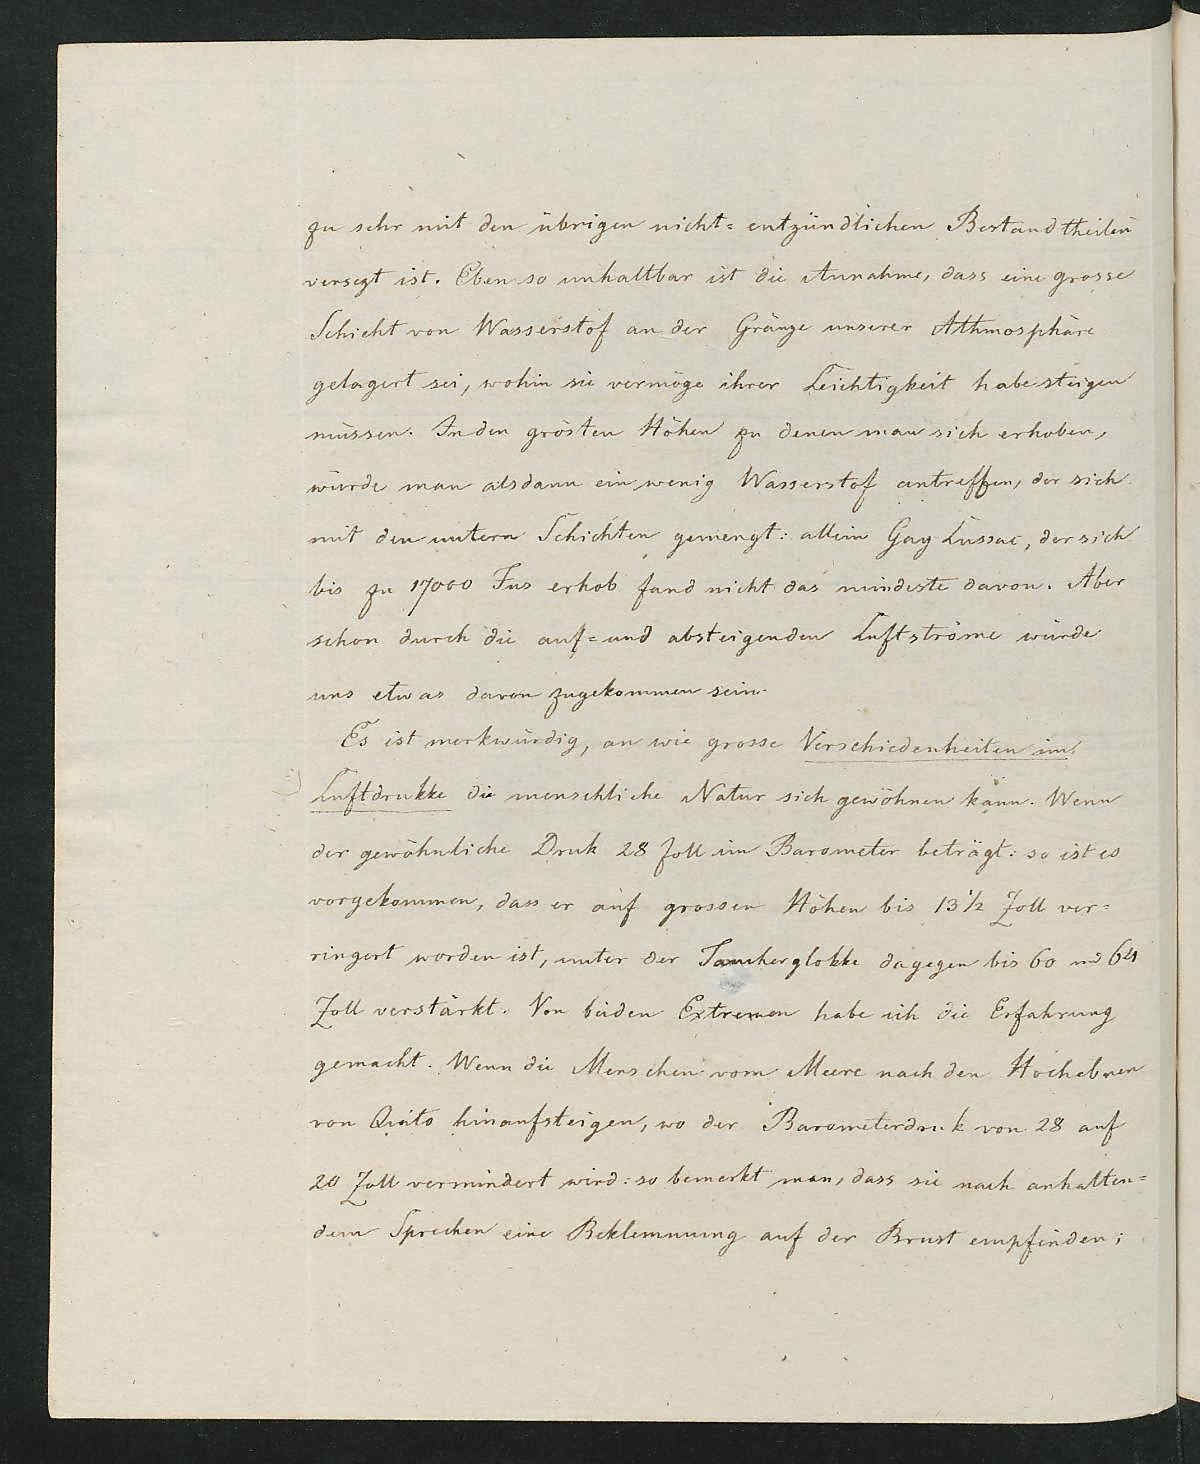zu sehr mit den übrigen nicht-entzündlichen Bestandtheilen
versezt ist. Eben so unhaltbar ist die Annahme, dass eine grosse
Schicht von Wasserstof an der Gränze unserer Athmosphäre
gelagert sei, wohin sie vermöge ihrer Leichtigkeit habe steigen
müssen. In den grösten Höhen zu denen man sich erhoben,
würde man alsdann ein wenig Wasserstof antreffen, der sich
mit den untern Schichten gemengt: allein Gay Lussac, der sich
bis zu 17000 Fus erhob fand nicht das mindeste davon. Aber
schon durch die auf- und absteigenden Luftströme würde
uns etwas davon zugekommen sein.
Es ist merkwürdig, an wie grosse Verschiedenheiten im
Luftdrukke die menschliche Natur sich gewöhnen kann. Wenn
der gewöhnliche Druk 28 Zoll im Barometer beträgt: so ist es
vorgekommen, dass er auf grossen Höhen bis 13½ Zoll ver-
ringert worden ist, unter der Taucherglokke dagegen bis 60 und 64
Zoll verstärkt. Von beiden Extremen habe ich die Erfahrung
gemacht. Wenn die Menschen vom Meere nach den Hochebnen
von Quito hinaufsteigen, wo der Barometerdruk von 28 auf
20 Zoll vermindert wird: so bemerkt man, dass sie nach anhalten-
dem Sprechen eine Beklemmung auf der Brust empfinden;